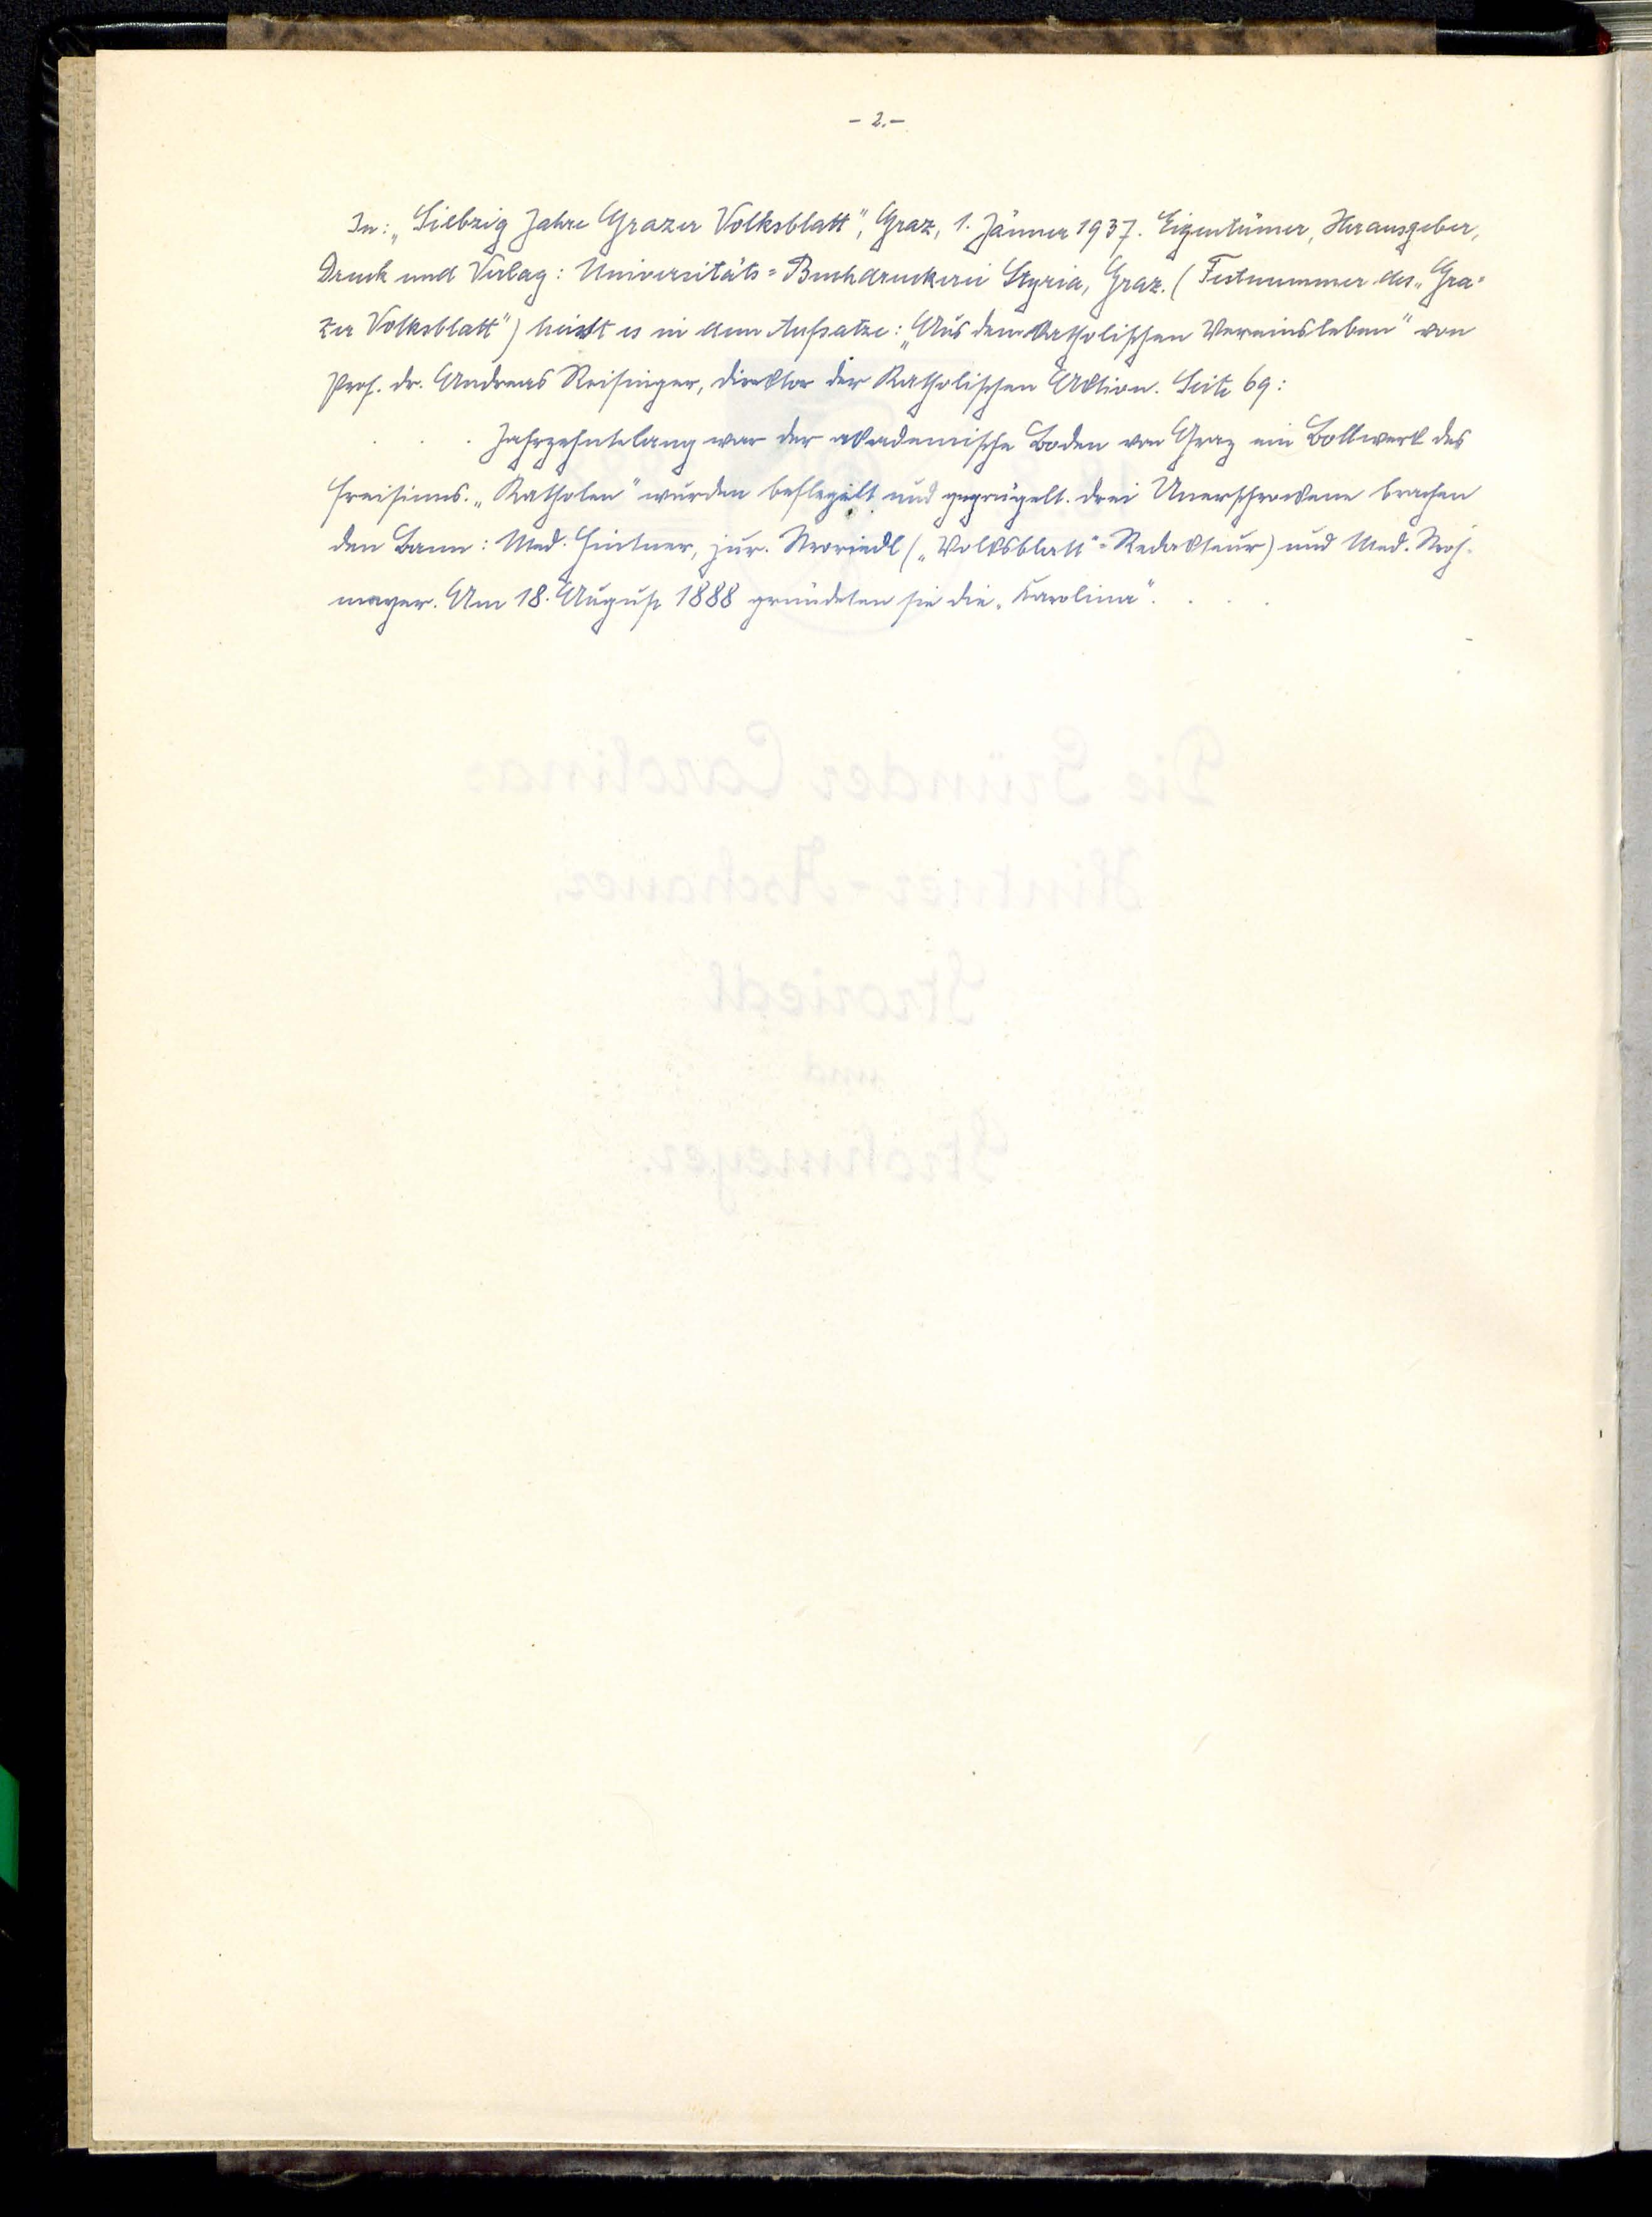2
In: "Siebzig Jahre Grazer Volksblatt", Graz, 1. Jänner 1937. Eigentümer, Herausgeber,
Druck und Verlag: Universitäts - Buchdruckerei Styria, Graz. (Festnummer des "Gra-
zer Volksblatt") heisst es in dem Aufsatze: "Aus dem katholischen Vereinslenem" von
Prof. Dr. Andreas Reisinger, Direktor der Katholischen Aktion Seite 69:
Jahrzehntelang war der akademische Boden in Graz ein Bollwerk des
Freisinns. "Katholen" wurden beflegelt und geprügelt. drei Unerschrockene brachen
den Bann: Med. Hintner, jur. Stroriedl ( "Volksblatt"- Redakteur) und Med. Stroh
meyer. Am 18. August 1888 gründeten sie die "Carolina"